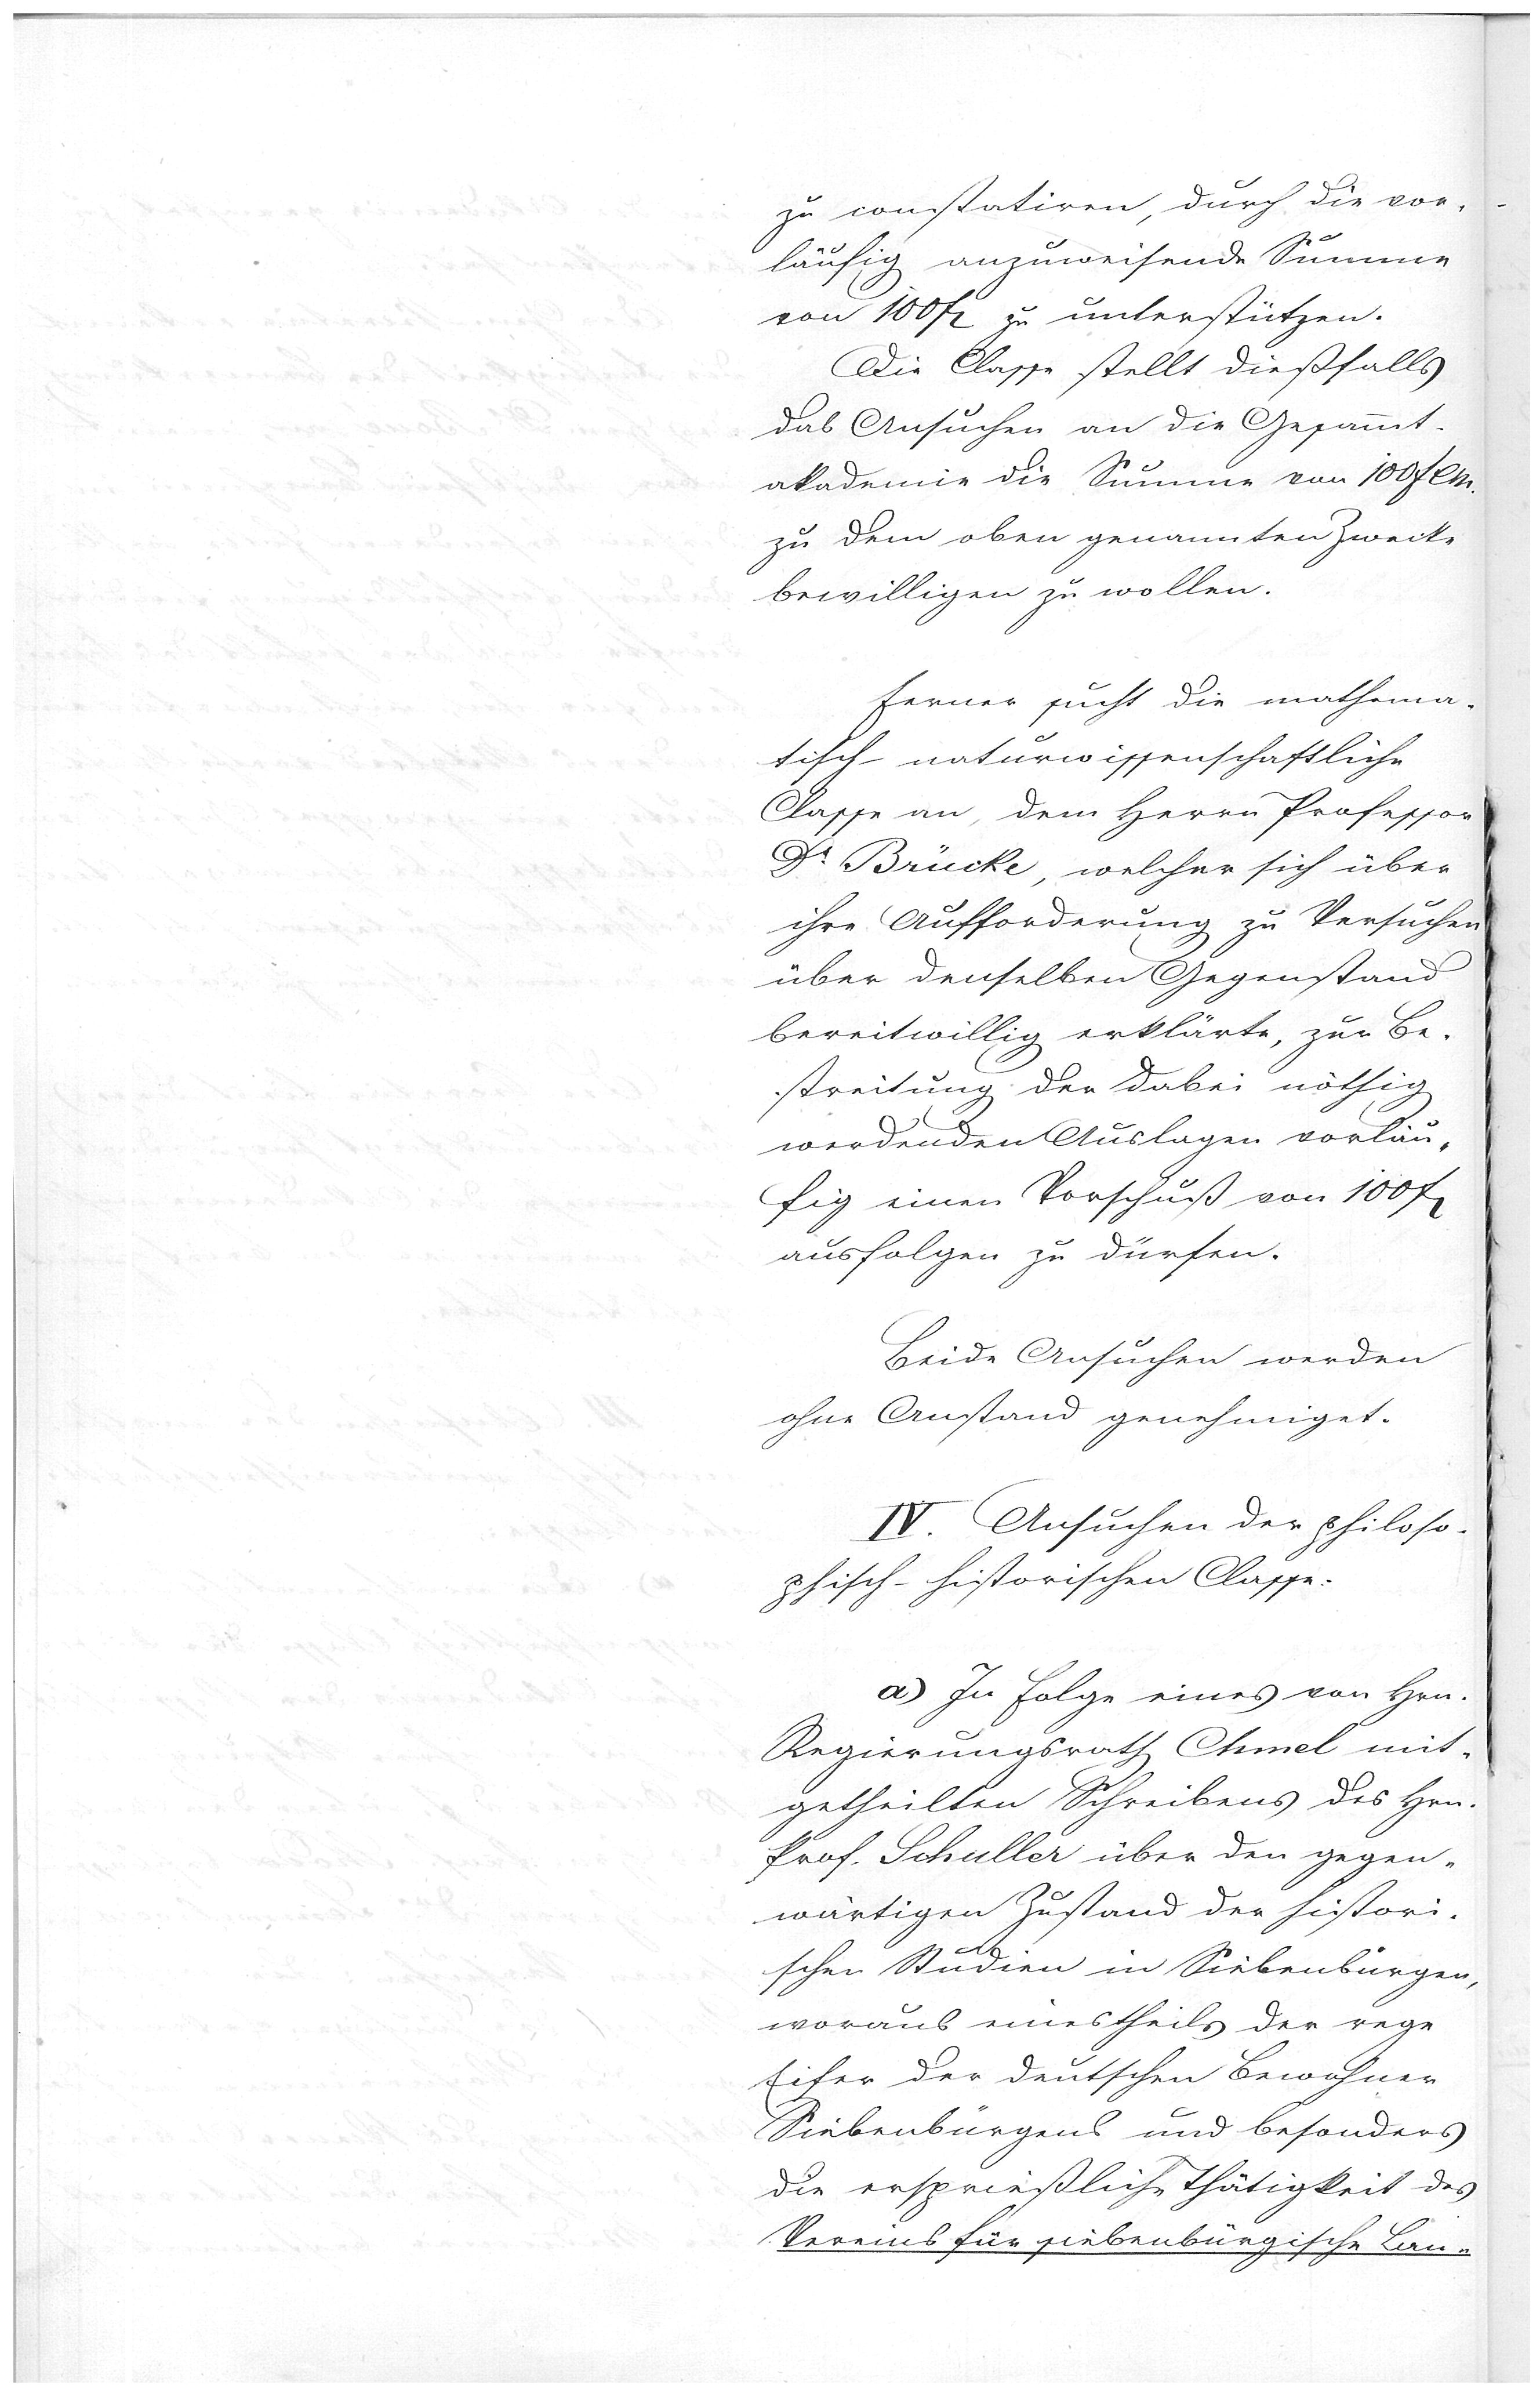zu constatiren, durch die vor-
läufig anzuweisende Summe
von 100 fl zu unterstützen.
Die Classe stellt dießfalls
das Ansuchen an die Gesammt-
akademie die Summe von 100 fl CM.
zu dem oben genannten Zwecke
bewilligen zu wollen.
Ferner sucht die mathema-
tis-naturwissenschaftliche
Classe an, dem Herrn Professor
Dr Brücke, welcher sich über
ihre Aufforderung zu Versuchen
über denselben Gegenstand
bereitwillig erklärte, zur Be-
streitung der dabei nöthig
werdenden Auslagen vorläu-
fig einen Vorschluß von 100 fl
ausfolgen zu dürfen.
Beide Ansuchen werden
ohne Anstand genehmiget.
IV. Ansuchen der philoso-
phisch-historischen Classe.
a) In Folge eines von Hrn.
Regierungsrath Chmel mit-
getheilten Schreibens des Hrn.
Prof. Schuller über den gegen-
wärtigen Zustand der histori-
schen Studien in Siebenbürgen,
woraus einesheils der rege
Eifer der deutschen Bewohner
Siebenbürgens und besonders
die ersprießliche Thätigkeit des
Vereins für siebenbürgische Lan-